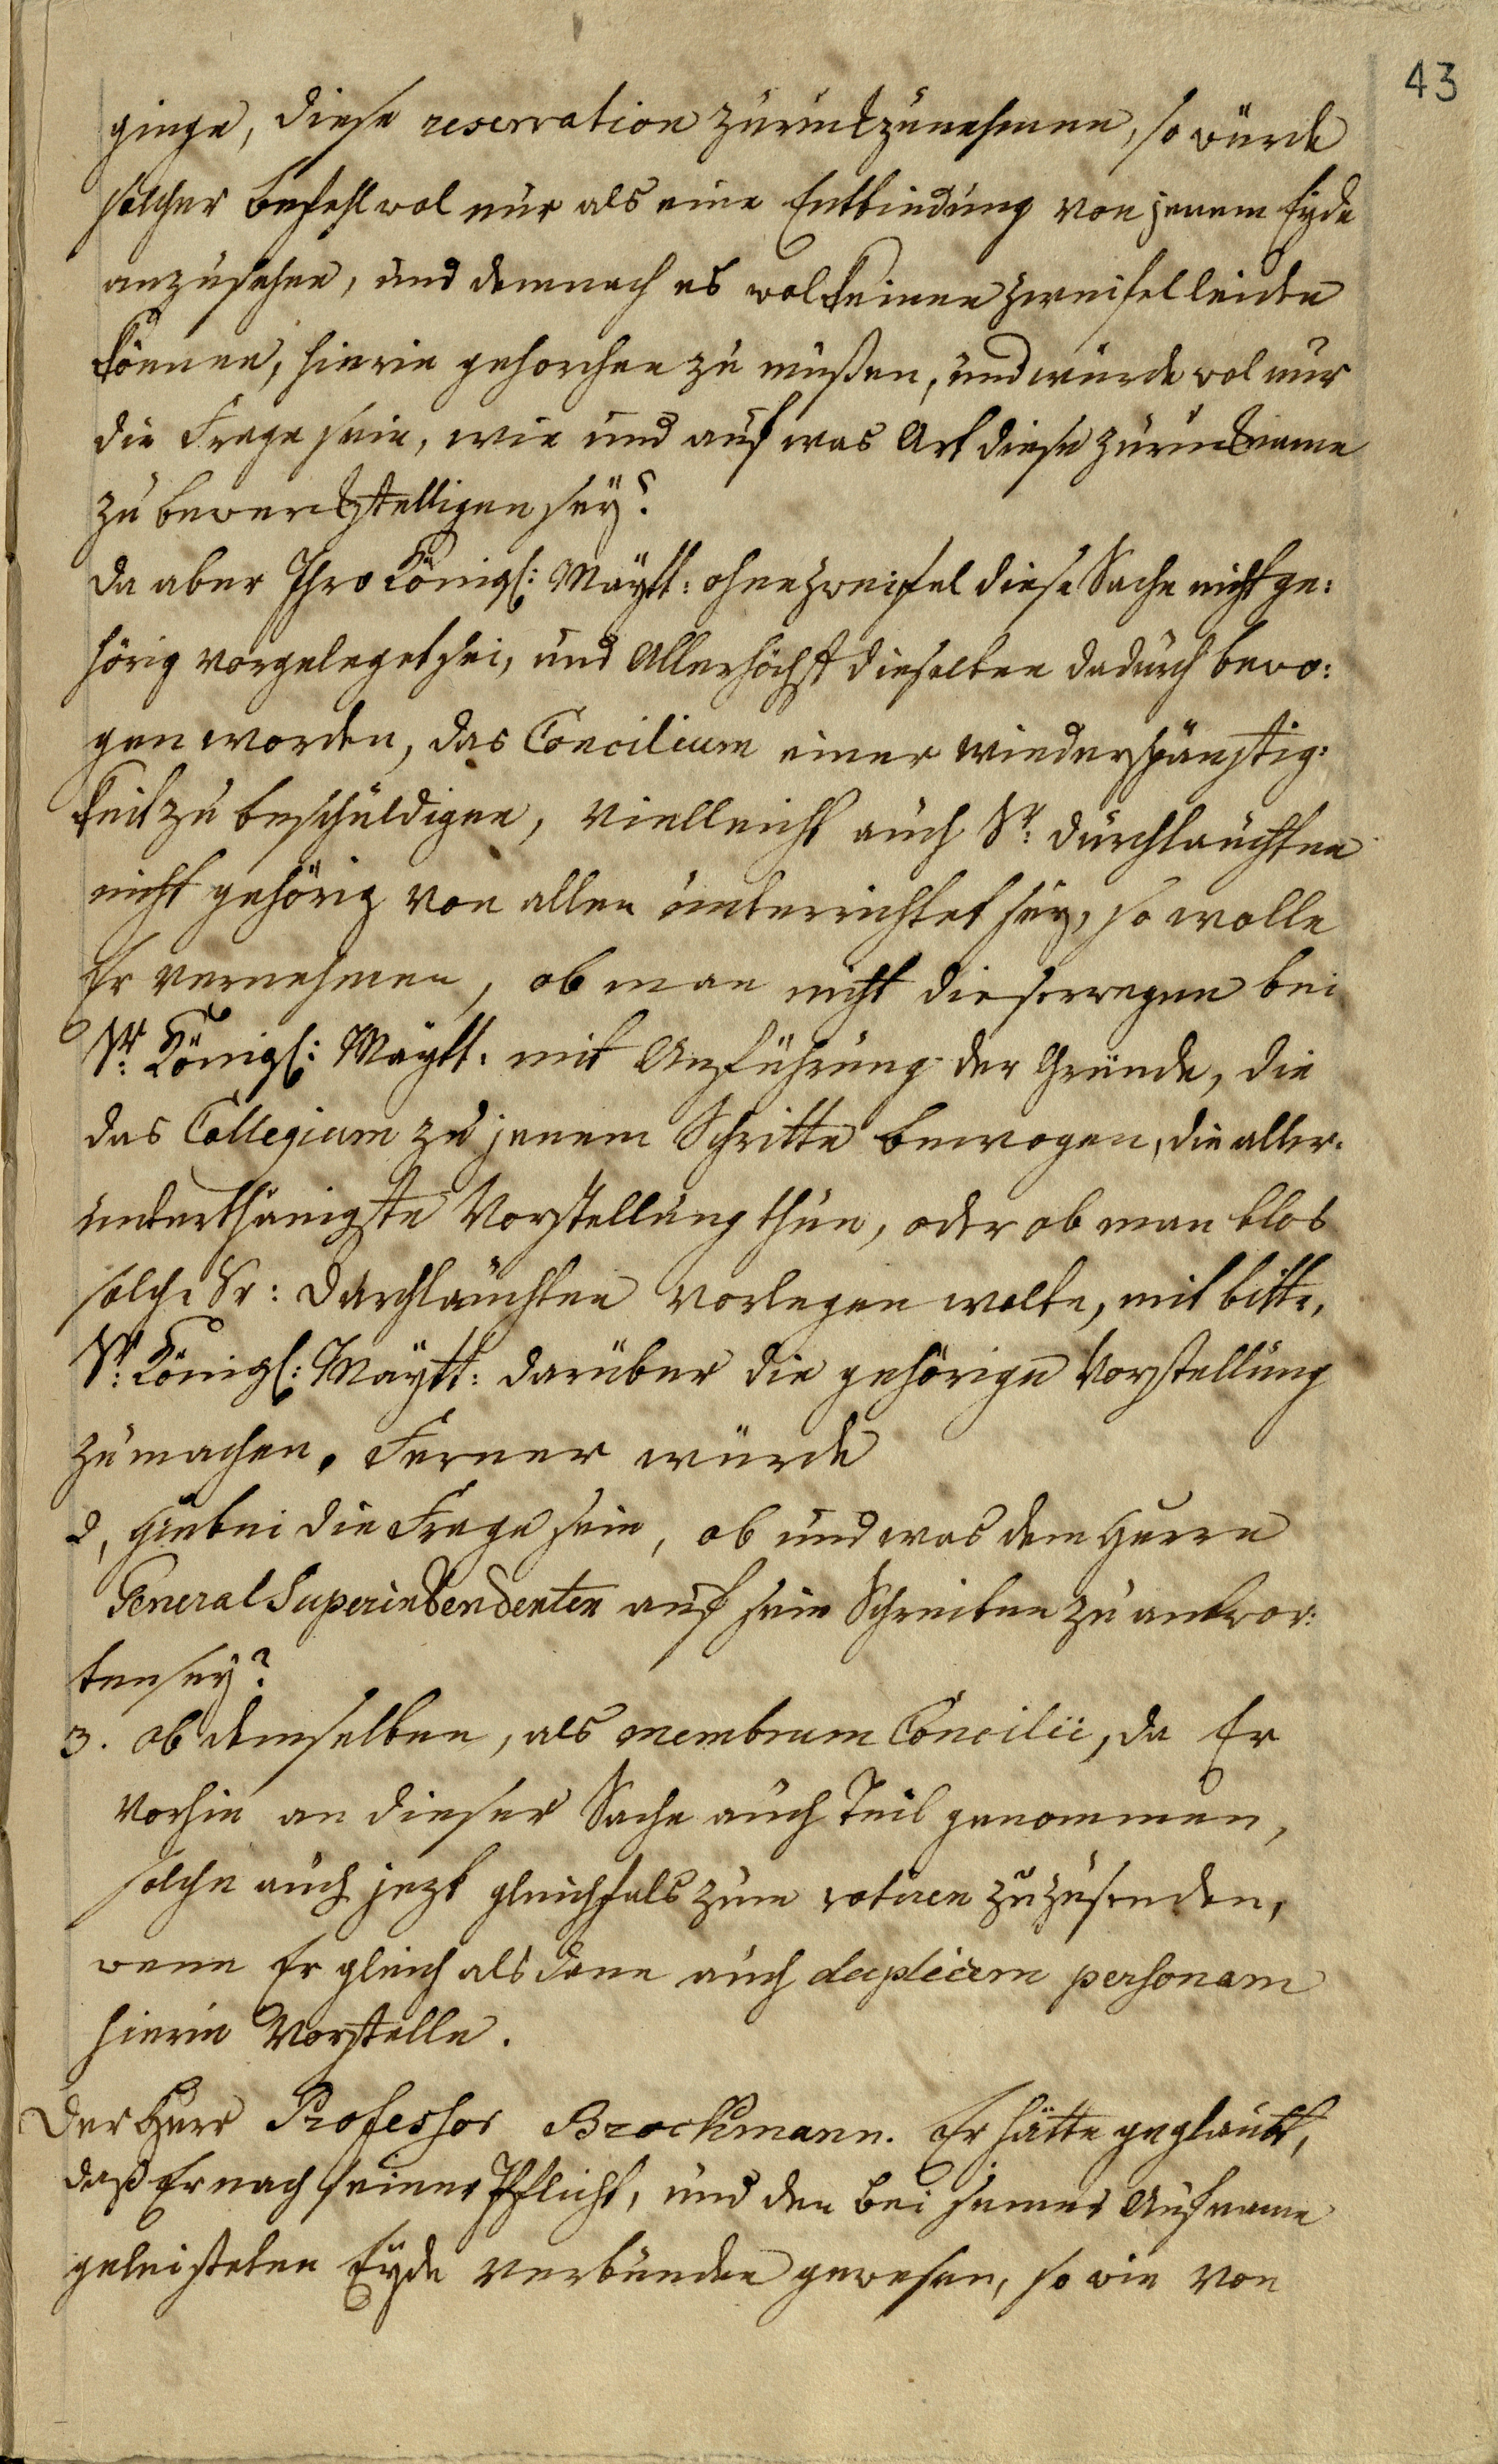ginge, diese reservation zurückzunehmen, so würde
solcher Befehl wohl nur als eine Entbindung von jenem Eÿde
anzusehen, und demnach es wohl keinen Zweifel leiden
können, hierin gehorchen zu müßen, und würde wol nur
die Frage sein, wie und auf was Art diese Zurückname
zu bewerkstelligen seÿ.
Da aber Ihro Königl. Maÿtt. ohne Zweifel diese Sache nicht ge¬
hörig vorgeleget sei, und Allerhöchst dieselben dadurch bewo¬
gen worden, das Concilium einer Wiederspänstig¬
keit zu beschuldigen, vielleicht auch Sr. Durchlauchten
nicht gehörig von allen unterrichtet seÿ, so wolle
Er vernehmen, ob man nicht dieserwegen bei
Sr. Königl. Maÿtt. mit Anführung der Gründe, die
das Collegium zu jenem Schritte bewogen, die aller¬
unterthänigste Vorstellung thun, oder ob man blos
solche Sr. Durchlauchten vorlegen wolte, mit bitte,
Sr. Königl. Maÿtt. darüber die gehörige Vorstellung
zu machen. Ferner würde
2, hiebei die Frage sein, ob und was dem Herrn
GeneralSuperintendenten auf sein Schreiben zu antwor¬
ten seÿ?
3. ob demselben, als membrum Concilii, da Er
vorhin an dieser Sache auch Teil genommen,
solche auch jetzt gleichfals zum votiren zu zusenden,
wenn Er gleich als dann auch duplicem personam
hierin vorstelle.
Der Herr Professor Brockmann Er hätte geglaubt,
daß Er nach seiner Pflicht, und den bei seiner Aufname
geleisteten Eÿde verbunden gewesen, so wie von